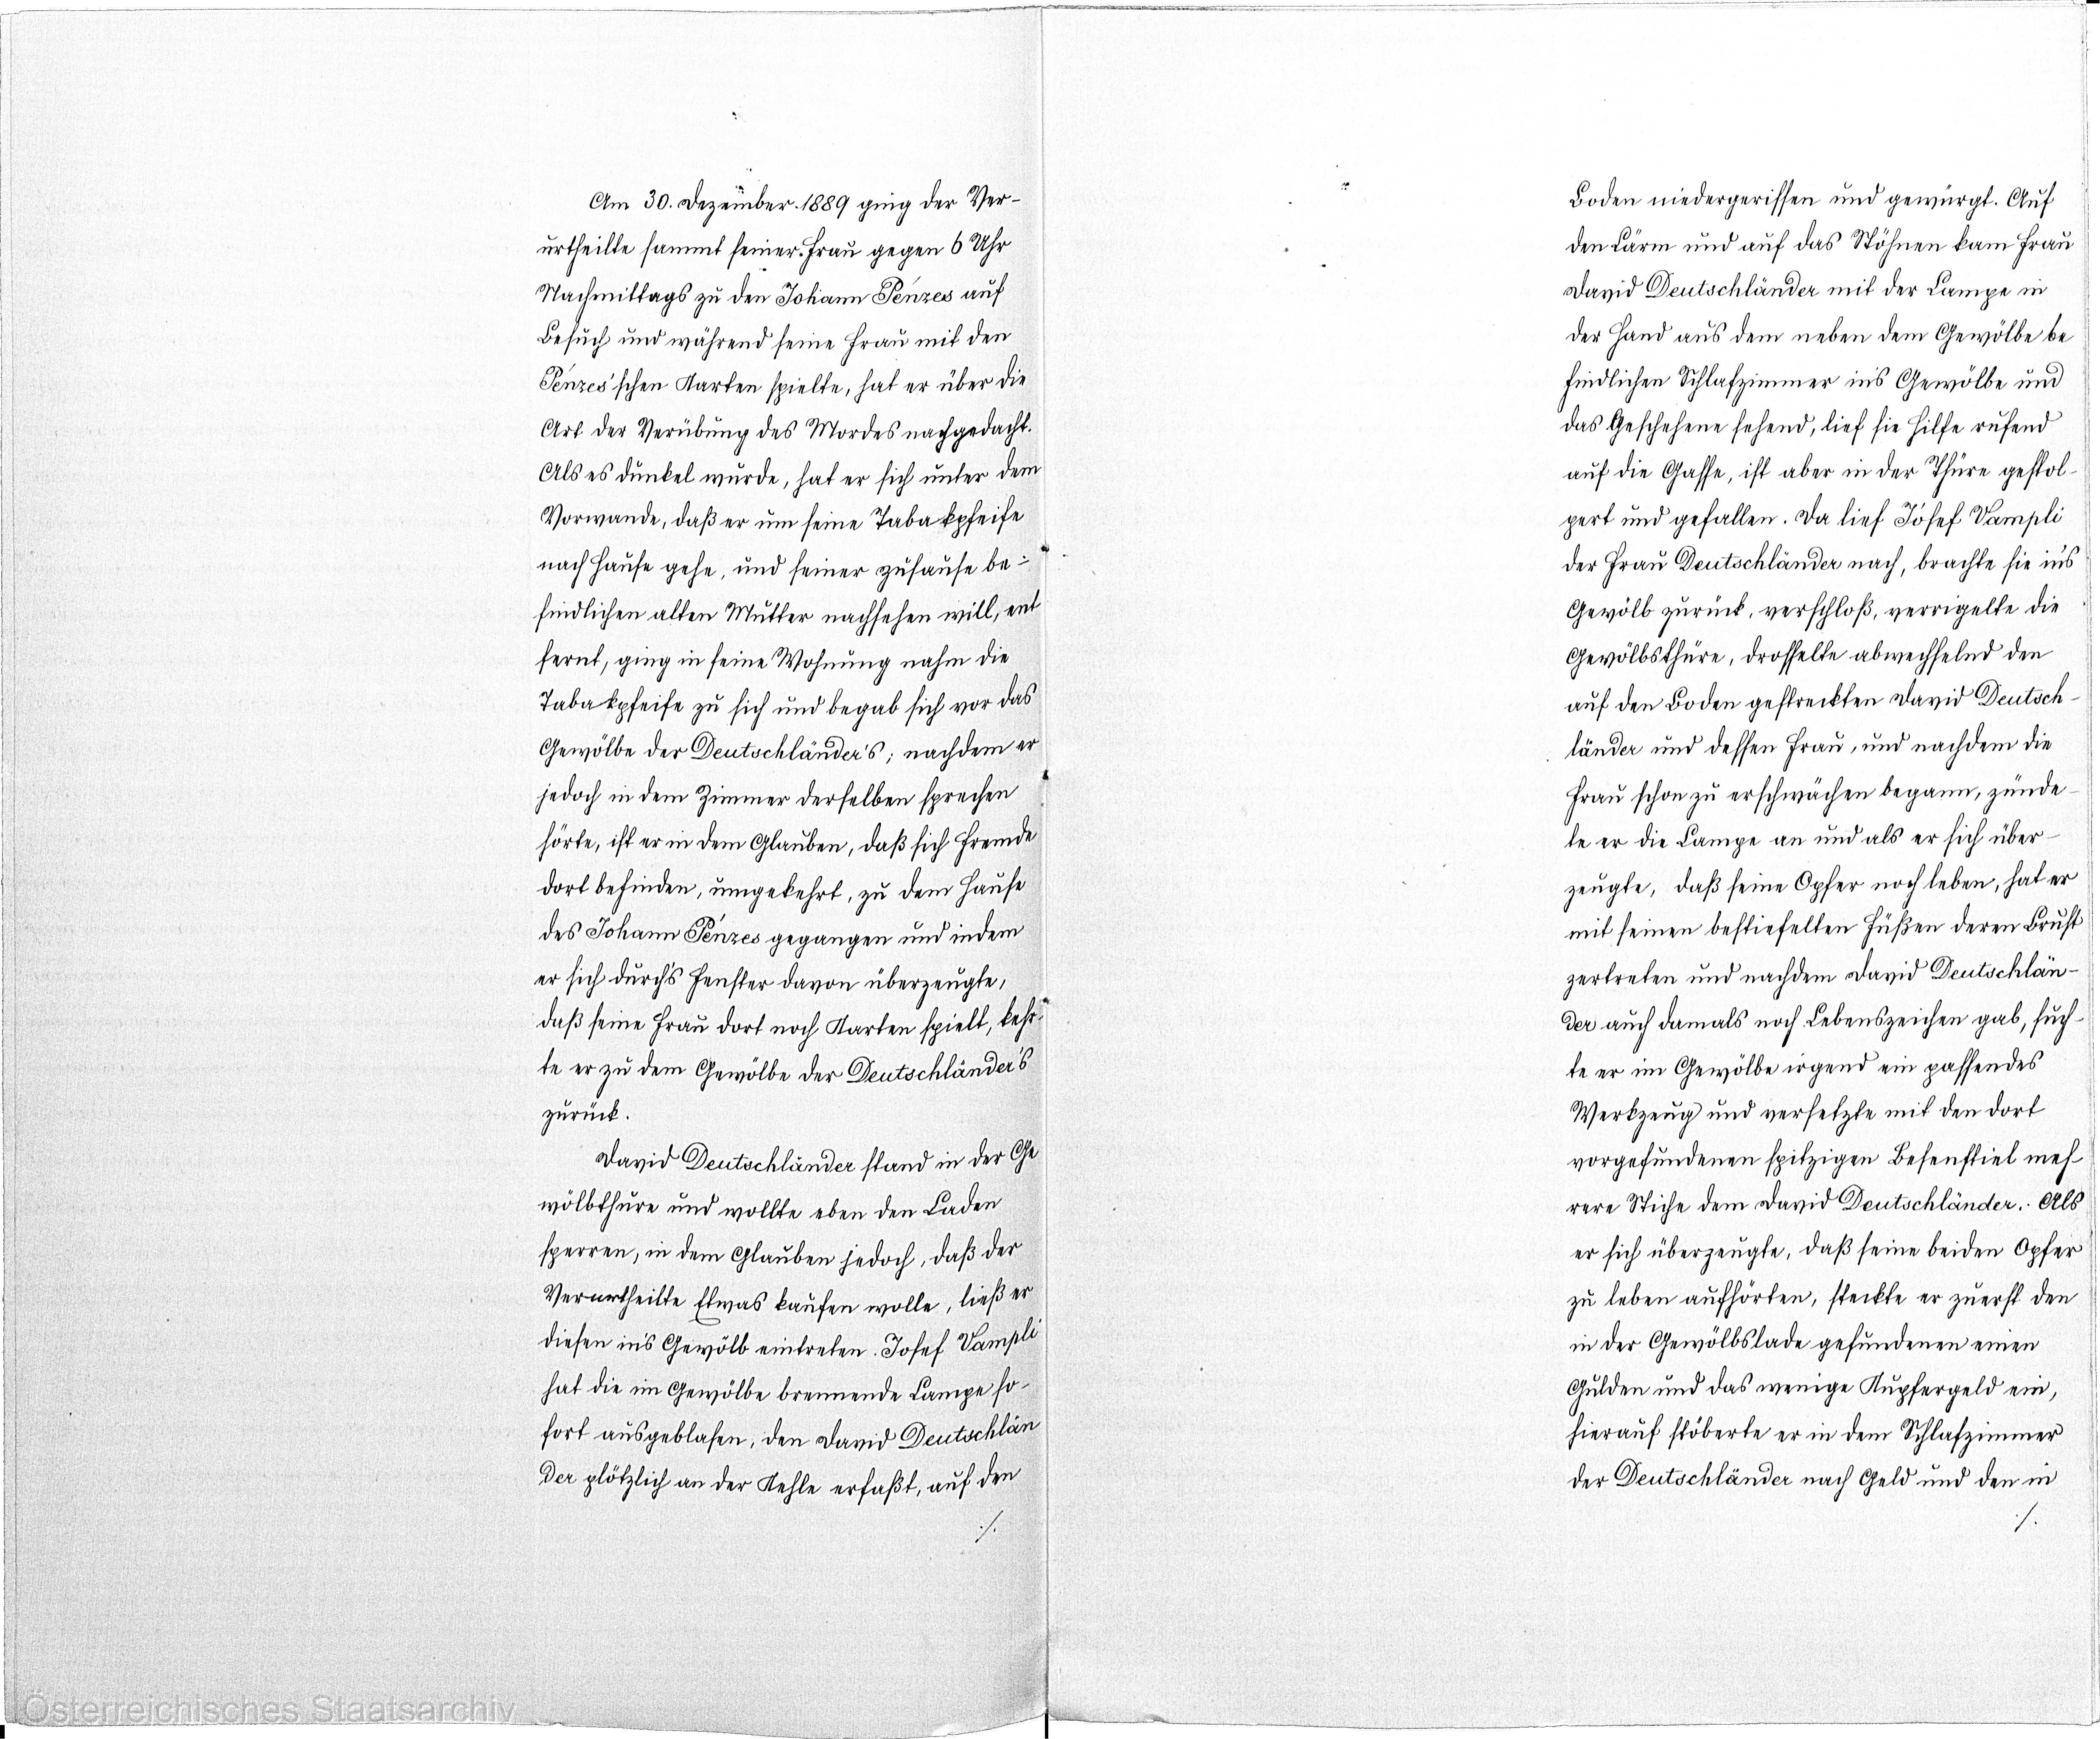Am 30. Dezember 1889 ging der Ver¬
urtheilte sammt seiner Frau gegen 6 Uhr
Nachmittags zu den Johann Pénzes auf
Besuch und während seine Frau mit den
Pénzes’schen Karten spielte, hat er über die
Art der Verübung des Mordes nachgedacht.
Als es dunkel wurde, hat er sich unter dem
Vorwande, daß er um seine Tabakpfeife
nach Hause gehe, und seiner zuhause be¬
findlichen alten Mutter nachsehen will, ent¬
fernt, ging in seine Wohnung nahm die
Tabakpfeife zu sich und begab sich vor das
Gewölbe der Deutschländer’s; nachdem er
jedoch in dem Zimmer derselben sprechen
hörte, ist er in dem Glauben, daß sich fremde
dort befinden, umgekehrt, zu dem Hause
des Johann Pénzes gegangen und indem
er sich durch’s Fenster davon überzeugte,
daß seine Frau dort noch Karten spielt, kehr¬
te er zu dem Gewölbe der Deutschländer’s
zurück.
David Deutschländer stand in der Ge¬
wölbthure und wollte eben den Laden
sperren, in dem Glauben jedoch, das der
Verurtheilte Etwas kaufen wolle, ließ er
diesen in’s Gewölb eintreten. Josef Vampli
hat die im Gewölbe brennende Lampe so¬
fort ausgeblasen, den David Deutschlän¬
der plötzlich an der Kehle erfaßt, auf den
Boden niedergerissen und gewürgt. Auf
den Lärm und auf das Stöhnen kam Frau
David Deutschländer mit der Lampe in
der Hand aus dem neben dem Gewölbe be¬
findlichen Schlafzimmer ins Gewölbe und
das Geschehen sehend, lief sie Hilfe rufend
auf die Gasse, ist aber in der Thüre gestol¬
pert und gefallen. Da lief Jósef Vampli
der Frau Deutschländer nach, brachte sie ins
Gewölb zurück, verschloß, verrigelte die
Gewölbsthüre, drosselte abwechselnd den
auf den Boden gestreckten David Deutsch¬
länder und dessen Frau, und nachdem die
Frau schon zu erschwächen begann, zünde¬
te er die Lampe an und als er sich über¬
zeugte, daß seine Opfer noch leben, hat er
mit seinen bestiefelten Füßen deren Brust
zertreten und nachdem David Deutschlän¬
der auch damals noch Lebenszeichen gab, such¬
te er im Gewölbe irgend ein passendes
Werkzeug und versetzte mit den dort
vorgefundenen spitzigen Besenstiel meh¬
rere Stiche dem David Deutschländer. Als
er sich überzeugte, das seine beiden Opfer
zu leben aufhörten, steckte er zuerst den
in der Gewölbslade gefundenen einen
Gulden und das wenige Kupfergeld ein,
hierauf stöberte er in dem Schlafzimmer
der Deutschländer nach Geld und den in